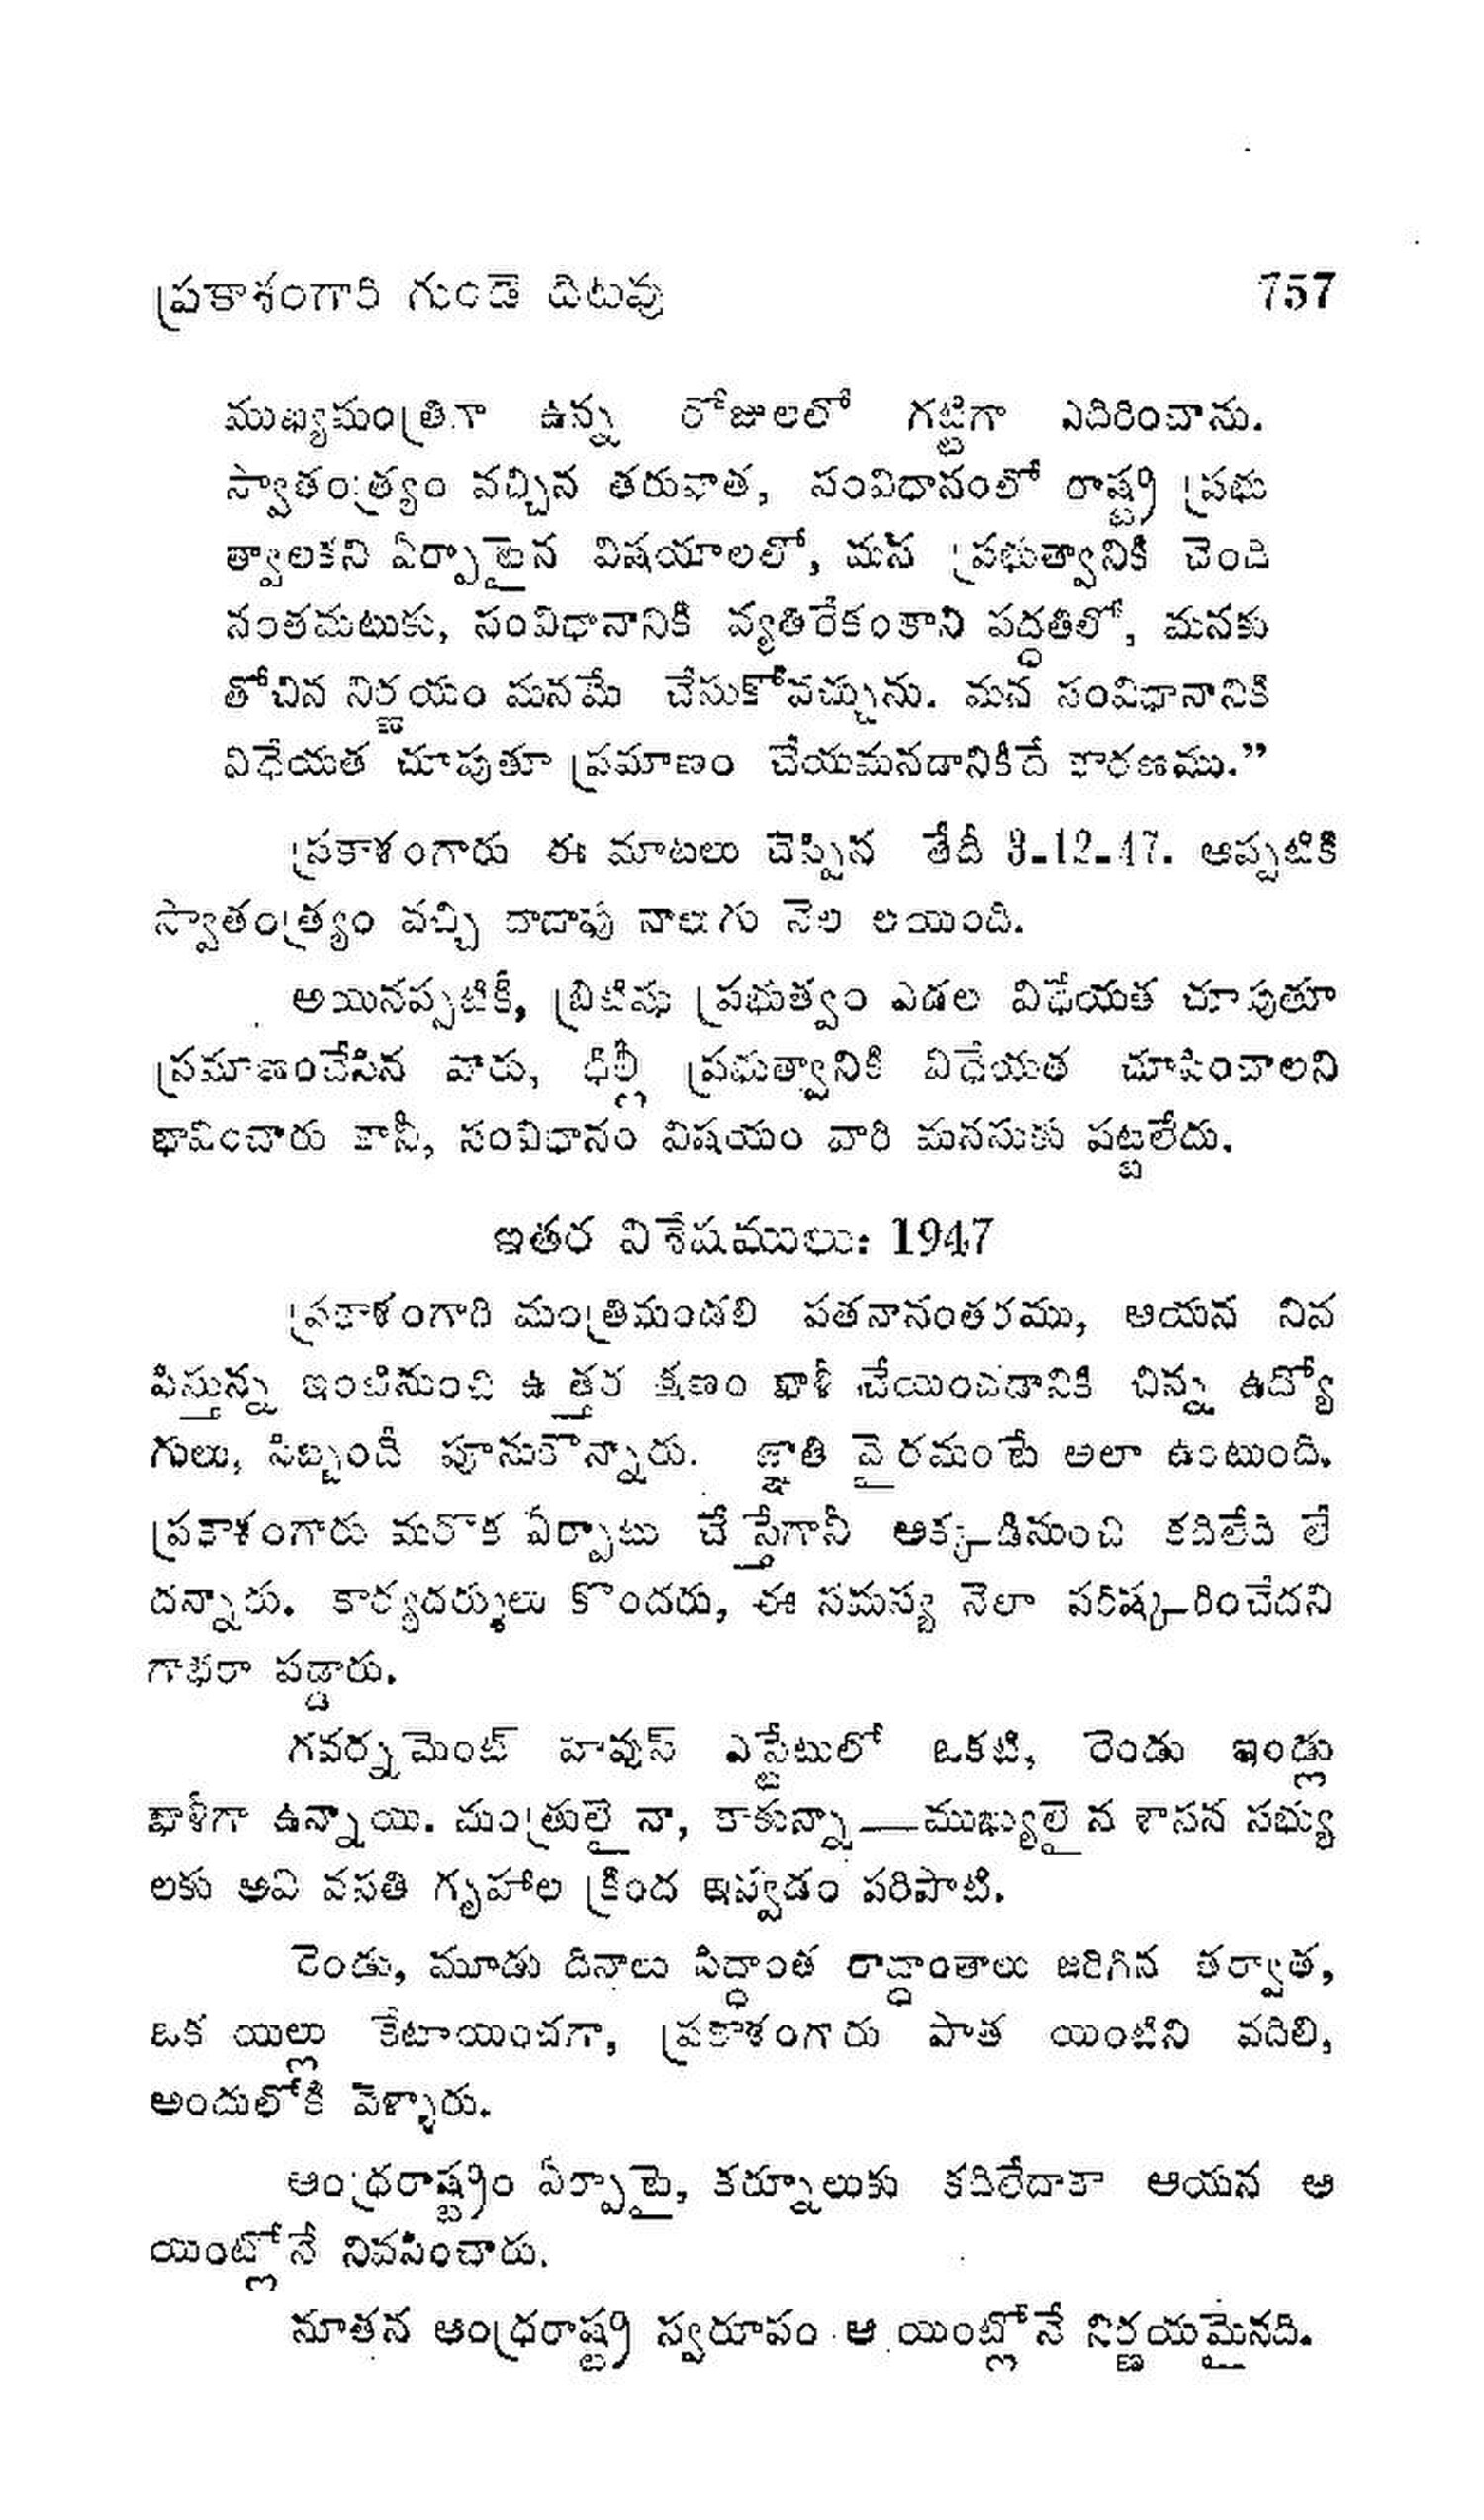ముఖ్యమంత్రిగా ఉన్న రోజులలో గట్టిగా ఎదిరించాను. స్వాతంత్ర్యం వచ్చిన తరువాత, సంవిధానంలో రాష్ట్ర ప్రభుత్వాలకని ఏర్పాటైన విషయాలలో, మన ప్రభుత్వానికి చెందినంతమటుకు, సంవిధానానికి వ్యతిరేకంకాని పద్ధతిలో, మనకు తోచిన నిర్ణయం మనమే చేసుకోవచ్చును. మన సంవిధానానికి విధేయత చూపుతూ ప్రమాణం చేయమనడానికిదే కారణము."

ప్రకాశంగారు ఈ మాటలు చెప్పిన తేదీ 3-12-47. అప్పటికి స్వాతంత్ర్యం వచ్చి దాదాపు నాలుగు నెల లయింది.

అయినప్పటికీ, బ్రిటిషు ప్రభుత్వం ఎడల విధేయత చూపుతూ ప్రమాణంచేసిన వారు, డిల్లి ప్రభుత్వానికి విధేయత చూపించాలని భావించారు కానీ, సంవిధానం విషయం వారి మనసుకు పట్టలేదు.

ప్రకాశంగారి మంత్రిమండలి పతానానంతరము, ఆయన నివసిస్తున్న ఇంటినుంచి ఉత్తర క్షణం ఖాళీ చేయించడానికి చిన్న ఉద్యోగులు, సిబ్బందీ పూనుకొన్నారు. జ్ఞాతి వైరమంటే అలా ఉంటుంది. ప్రకాశంగారు మరొక ఏర్పాటు చేస్తేగానీ అక్కడినుంచి కదిలేది లేదన్నారు. కార్యదర్శులు కొందరు, ఈ సమస్య నెలా పరిష్కరించేదని గాభరా పడ్డారు.

గవర్నమెంట్ హవుస్ ఎస్టేటులో ఒకటి, రెండు ఇండ్లు ఖాళీగా ఉన్నాయి. మంత్రులైనా, కాకున్నా - ముఖ్యులైన శాసన సభ్యులకు అవి వసతి గృహాల క్రింద ఇవ్వడం పరిపాటి.

రెండు, మూడు దినాలు సిద్ధాంత రాద్ధాంతాలు జరిగిన తర్వాత, ఒక యిల్లు కేటాయించగా, ప్రకాశంగారు పాత యింటిని వదిలి, అందులోకి వెళ్ళారు.

ఆంధ్రరాష్ట్రం ఏర్పాటై, కర్నూలుకు కదిలేదాకా ఆయన ఆ యింట్లోనే నివసించారు.

నూతన ఆంధ్రరాష్ట్ర స్వరూపం ఆ యింట్లోనే నిర్ణయమైనది.